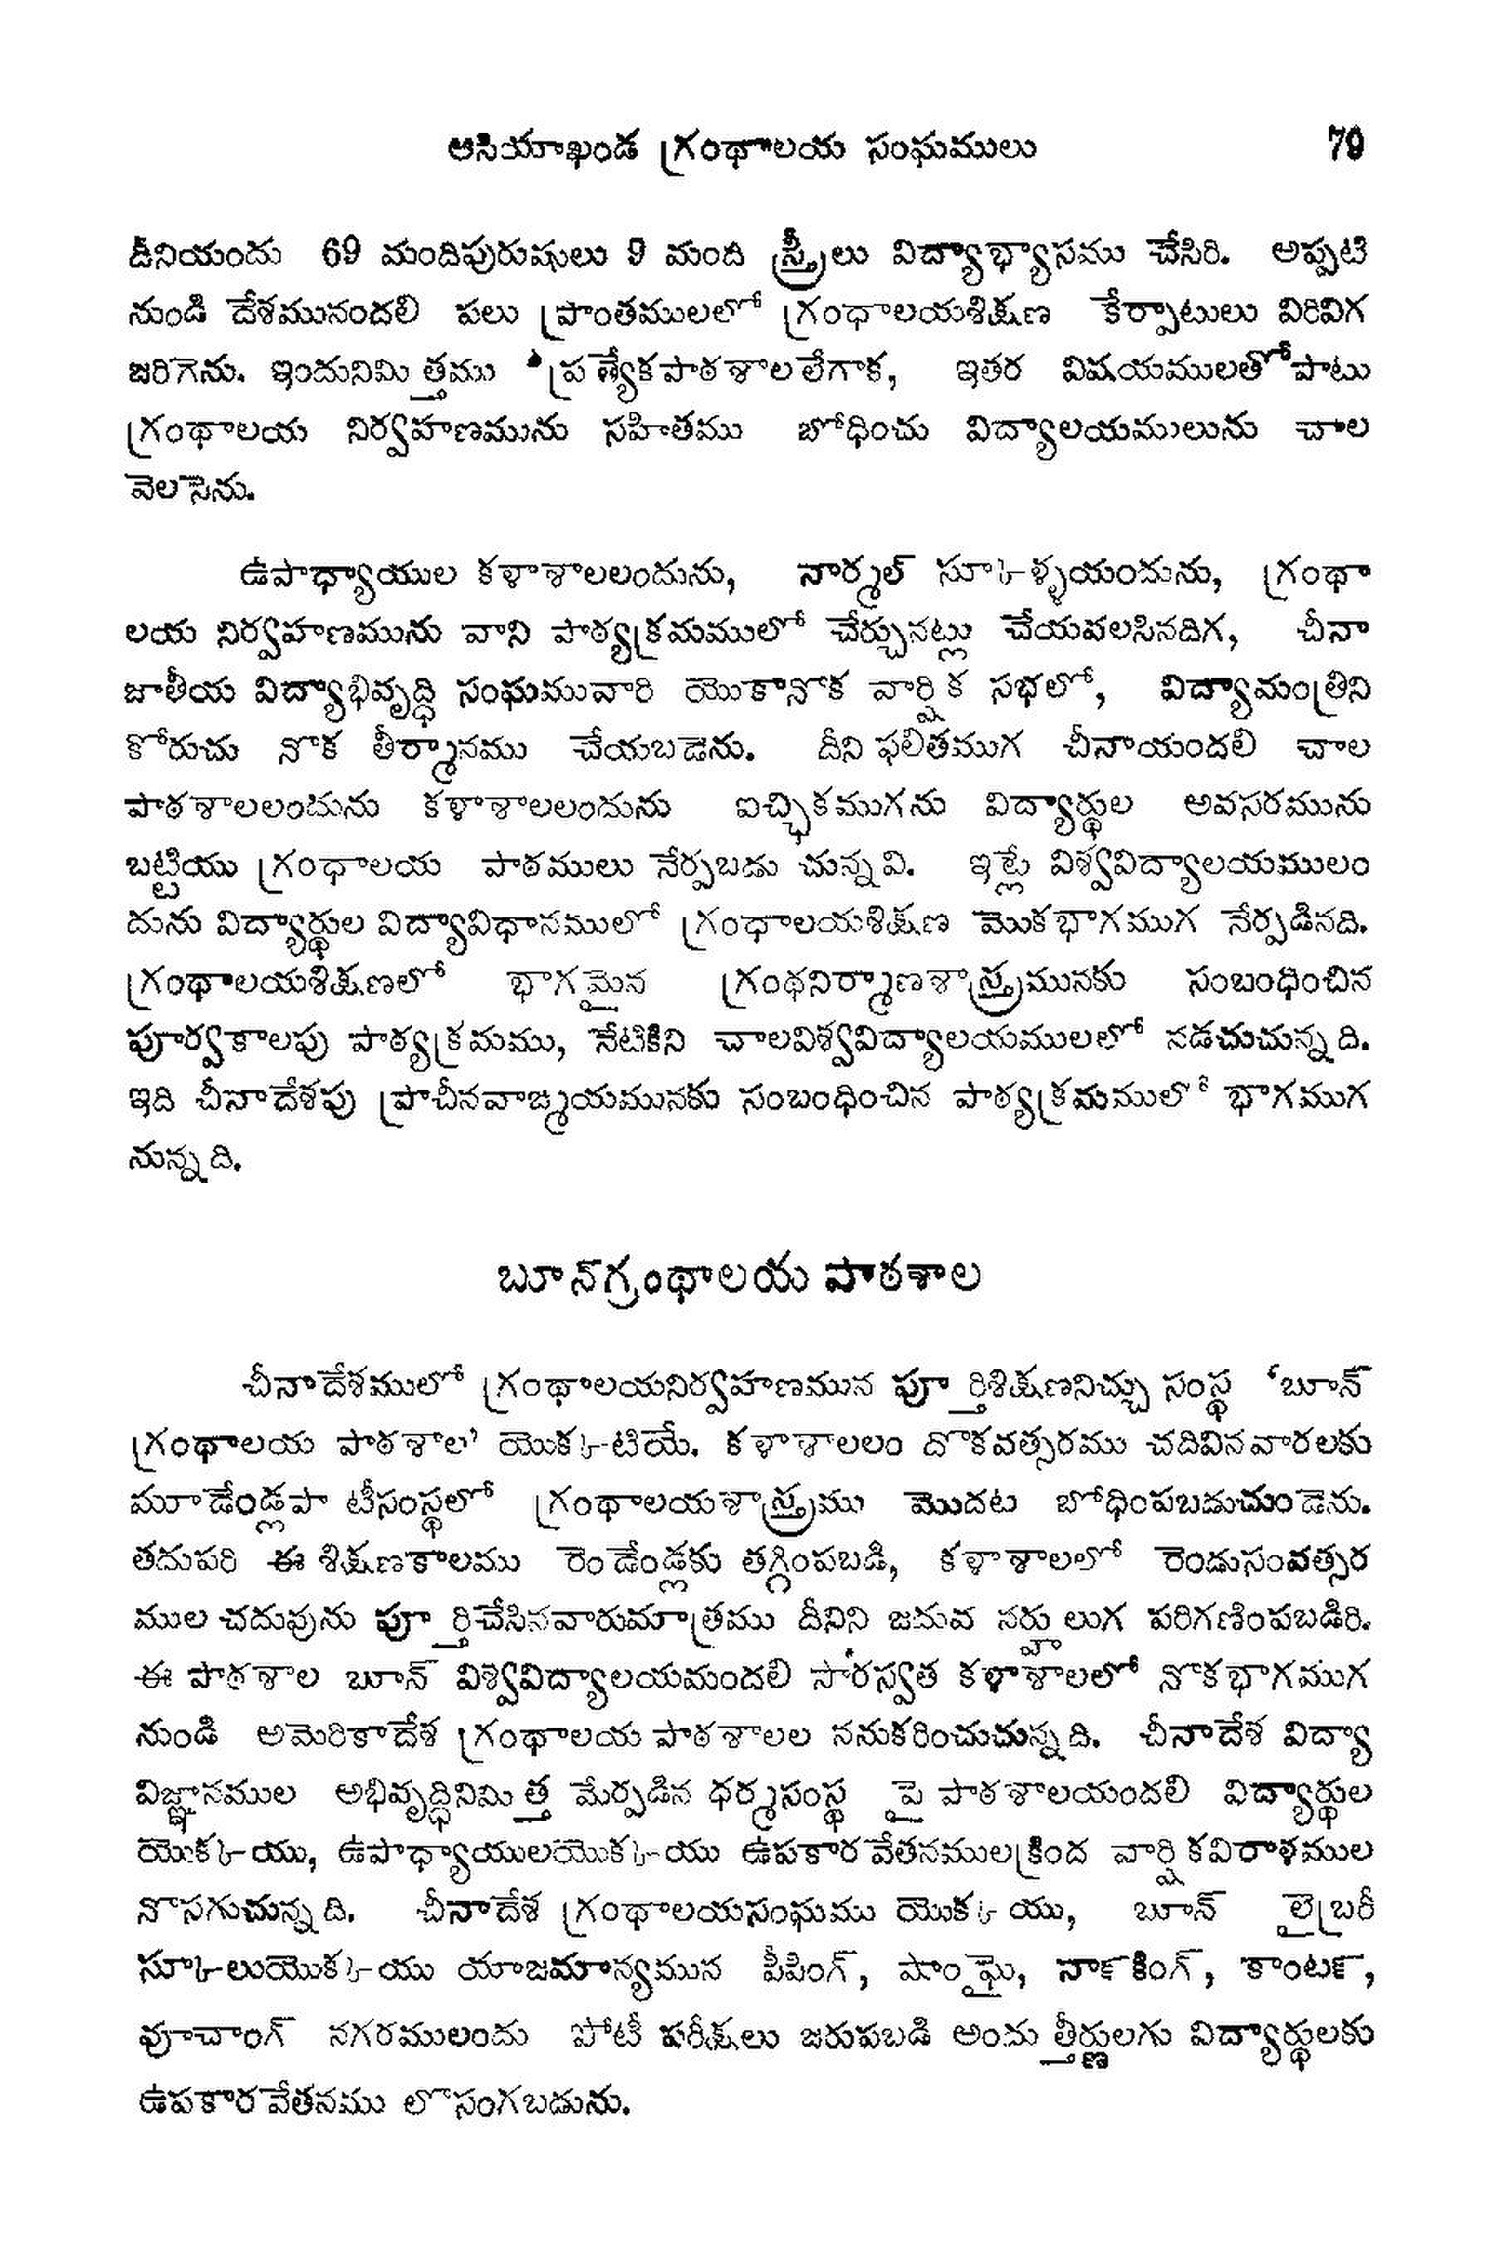దీనియందు 69 మంది పురుషులు 9 మంది స్త్రీలు విద్యాభ్యాసము చేసిరి. అప్పటి నుండి దేశమునందలి పలు ప్రాంతములలో గ్రంధాలయ శిక్షణ కేర్పాటులు విరివిగ జరిగెను. ఇందునిమిత్తము ప్రత్యేకపాఠశాలలేగాక, ఇతర విషయములతో పాటు
గ్రంథాలయ నిర్వహణమును సహితము బోధించు విద్యాలయములును చాల వెలసెను. 

ఉపాధ్యాయుల కళాశాలలందును, నార్మల్ స్కూళ్ళయందును, గ్రంథాలయ నిర్వహణమును వాని పాఠ్యక్రమములో చేర్చునట్లు చేయవలసినదిగ, చీనా జాతీయ విద్యాభివృద్ధి సంఘము వారి యొకానొక వార్షిక సభలో, విద్యామంత్రిని కోరుచు నొక తీర్మానము చేయబడెను. దీని ఫలితముగ చీనాయందలి చాల పాఠశాలలందును కళాశాలలందును ఐచ్ఛికముగను విద్యార్థుల అవసరమును
బట్టియు గ్రంధాలయ పాఠములు నేర్పబడుచున్నవి. ఇట్లే విశ్వవిద్యాలయములందును విద్యార్థుల విద్యావిధానములో 
గ్రంథాలయశిక్షణ మొకభాగముగ నేర్పడినది. గ్రంథాలయశిక్షణలో భాగమైన గ్రంథనిర్మాణశాస్త్రమునకు సంబంధించిన పూర్వకాలపు పాఠ్యక్రమము, నేటికిని చాల విశ్వవిద్యాలయములలో నడచుచున్నది. ఇది చీనా దేశపు ప్రాచీనవాఙ్మయమునకు సంబంధించిన పాఠ్యక్రమములో భాగముగ నున్నది.

చీనాదేశములో గ్రంథాలయనిర్వహణమున పూర్తిశిక్షణనిచ్చు సంస్థ 'బూన్ గ్రంథాలయ పాఠశాల' యొక్కటియే. కళాశాలల౦దొకవత్సరము చదివిన వారలకు మూడేండ్ల పాటీ సంస్థలో గ్రంథాలయశాస్త్రము మొదట బోధింపబడుచుండెను. తదుపరి ఈ శిక్షణకాలము రెండేండ్లకు తగ్గింపబడి, కళాశాలలో రెండు సంవత్సరముల చదువును పూర్తిచేసినవారు మాత్రము దీనిని జదువ నర్హులుగ పరిగణింపబడిరి. ఈ పాఠశాల బూన్ విశ్వవిద్యాలయమందలి సారస్వత కళాశాలలో నొకభాగముగ నుండి అమెరికాదేశ గ్రంథాలయ పాఠశాలలననుకరించుచున్నది. చీనాదేశ విద్యావిజ్ఞానములు అభివృద్ధినిమిత్త మేర్పడిన ధర్మసంస్థ పై పాఠశాలయందలి విద్యార్థుల యొక్కయు, ఉపాధ్యాయులయొక్కయు ఉపకార వేతనములక్రింద వార్షిక విరాళముల నొసగుచున్నది. చీనాదేశ గ్రంథాలయసంఘము యొక్కయు, బూన్ లైబ్రరీ స్కూలుయొక్కయు యాజమాన్యమున పీపింగ్, షాంఘై, నా౯కింగ్, కాంటర్, పూచాంగ్ నగరములందు పోటీ పరీక్షలు జరుపబడి అందుత్తీర్ణులగు విద్యార్థులకు ఉపకారవేతనము లొసంగబడును.